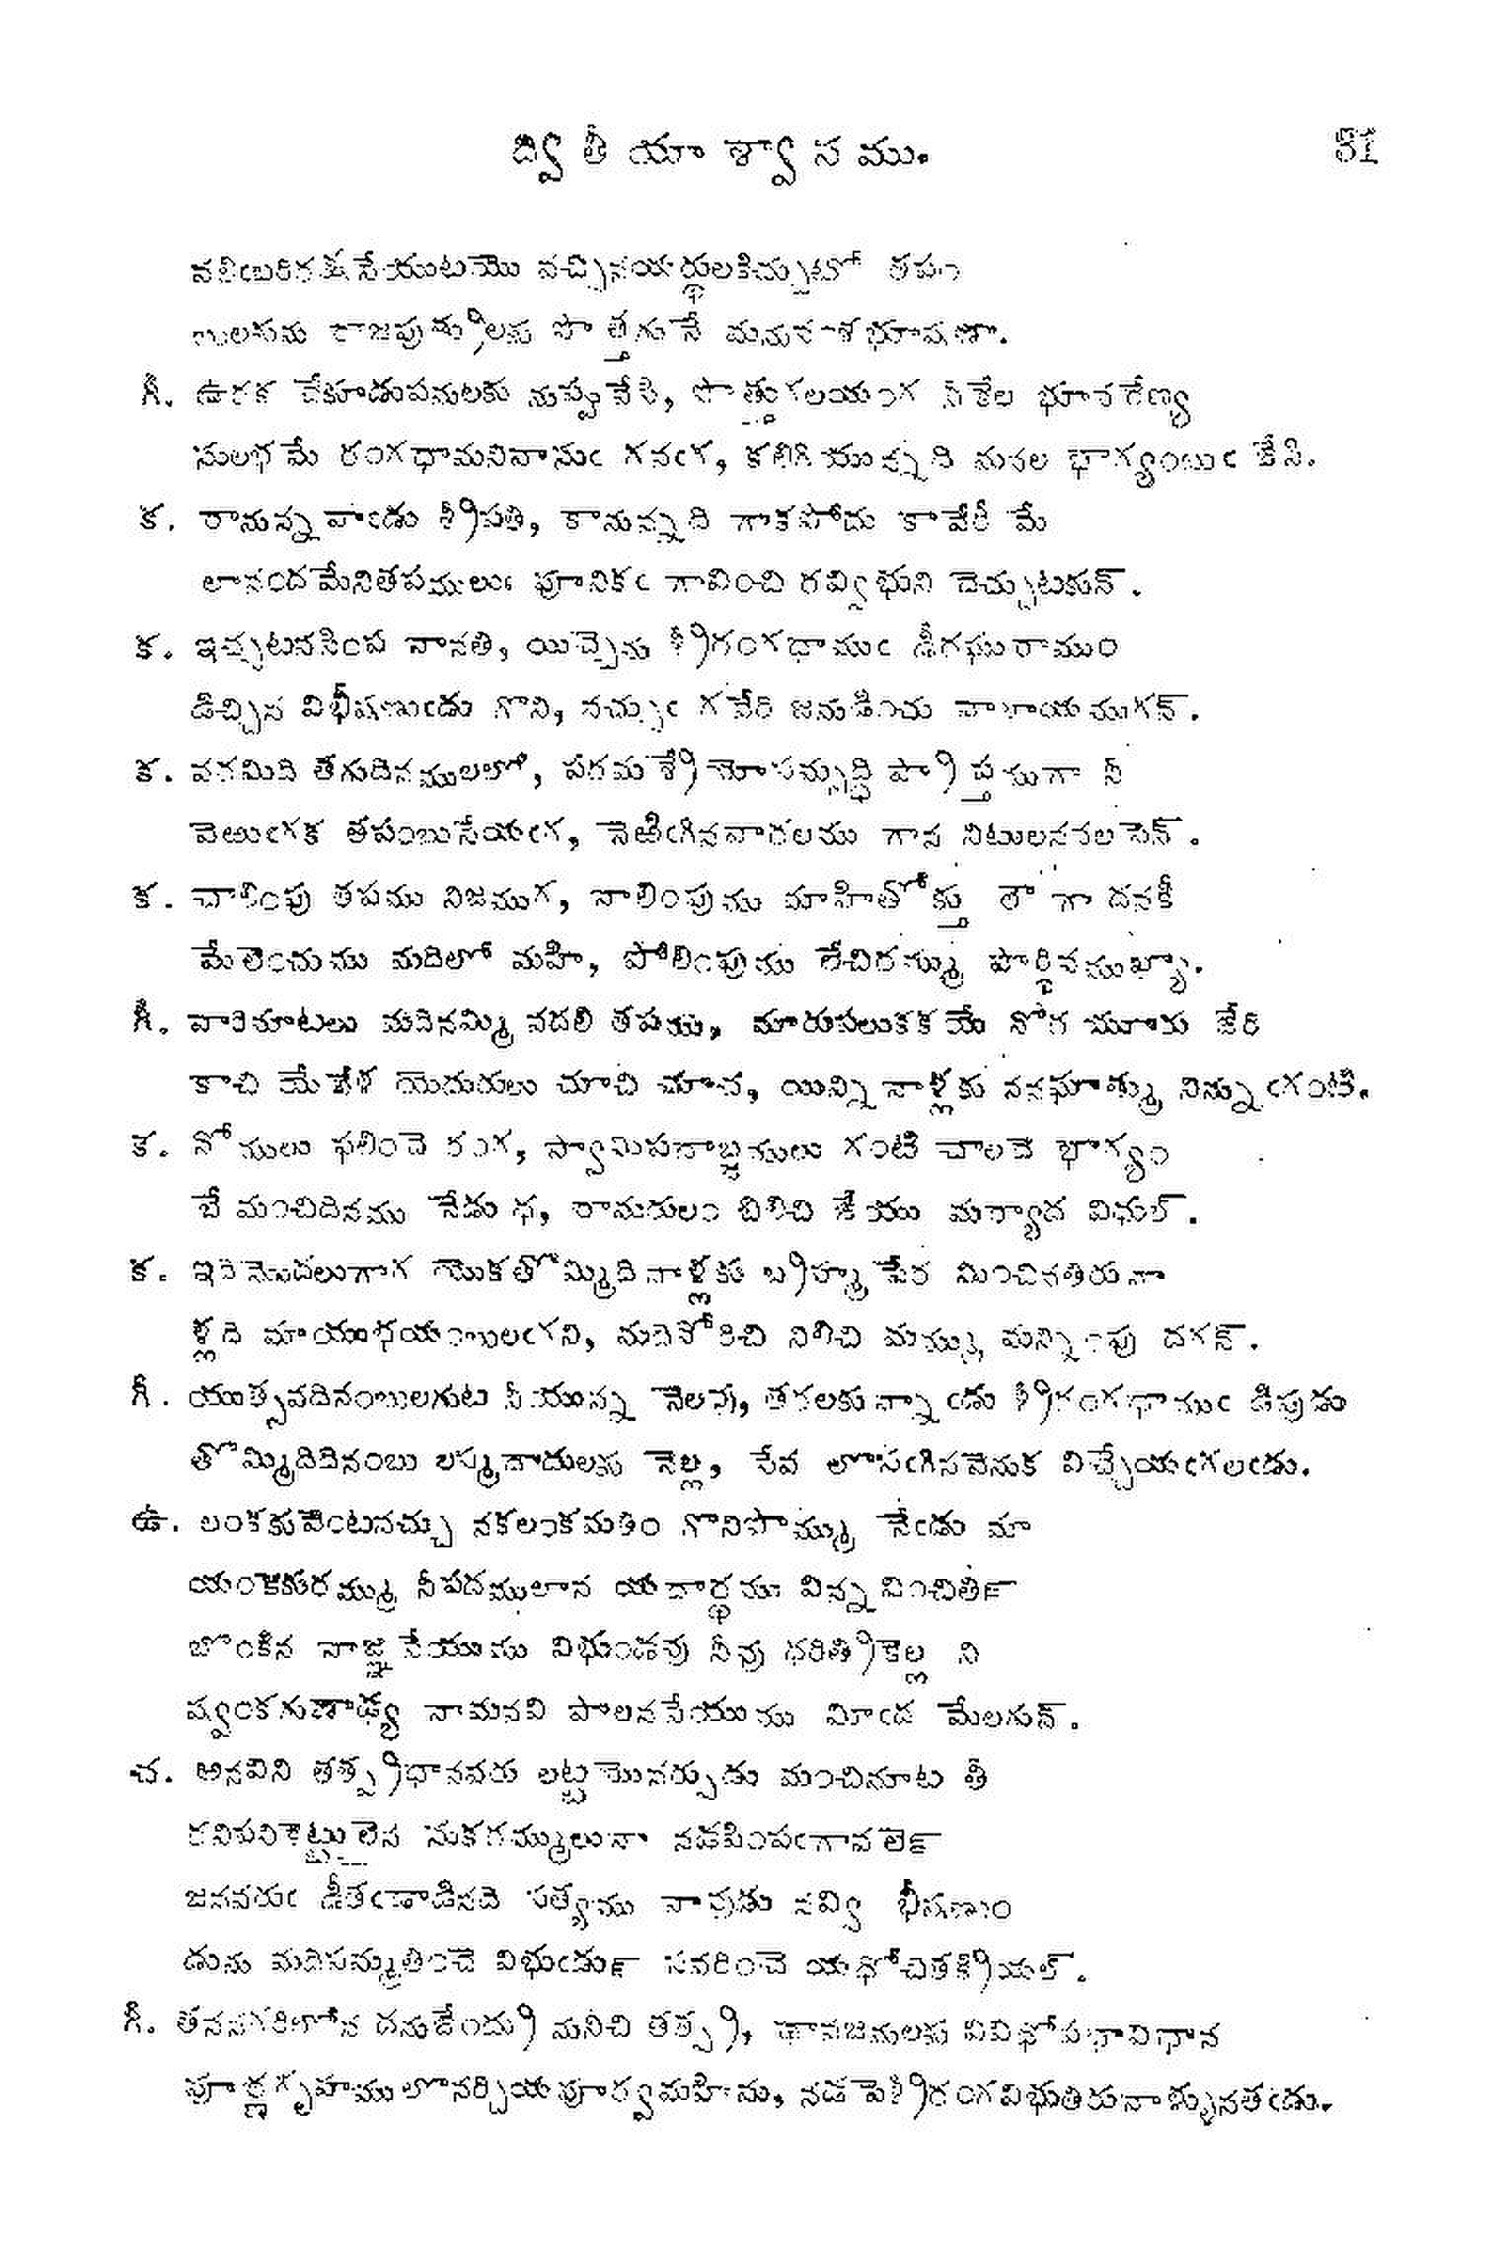వలి బరిరక్ష సేయుటయొ వచ్చినయర్థులకిచ్చుటో తపం
 బులకును రాజుపుత్రులకు పొత్తగునే మనువంశభూషణా.
గీ. ఉరళ చేకూడుపనులకు నుప్పువేసి, పొత్తు గలయగ నీకేల భూవరేణ్య
 సులభమే రంగధామనివాసుఁ గనఁగ, కలిగియున్నని మనల భాగ్యంబుఁ జేసి.
క. రానున్నవాఁడు శ్రీపతి, కానున్నది గాకపోదు కావేరీ మే
 లానందమేనితపములుఁ బూనికఁ గావించి రవ్విభుని దెచ్చుటకున్.
క. ఇచ్చట వసింప నానతి, యిచ్చెను శ్రీరంగధాముఁ డీరఘురాముం
 డిచ్చిన విభీషణుఁడు గొని, వచ్చుం గవేరి జనుడించు వాలాయముగన్.
క. వరమిది తగుదినములలో, పరమశ్రేయోసమృద్ధి ప్రాప్తముగా నీ
 వెఱుఁగక తపంబు సేయఁగ, నెఱిఁగినవారలము గాన నిటులనవలసెన్.
క. చాలింపు తపము నిజముగ, నాలింపుము మాహితోక్తు లౌ గా దనకీ
 మేలెంచుచు మదిలో మహి, పాలింపుము లేచిరమ్ము పార్థివముఖ్యా.
గీ. వారిమాటలు మదినమ్మి వదలి తపము, మారుపలుకకయే నోర యూరు జేరి
 కాచి యేవాళ యెదురులు చూచి చూచి, యిన్నినాళ్లకు ననఘాత్మ నిన్నుఁగంటి.
క. నోములు ఫలించె రంగ, స్వామిపదాబ్జములు గంటి చాలదె భాగ్యం
 బే మంచిదినము నేడు ధ, రామరులం బిలిచి జేయు మర్యాద విధుల్.
క. ఇవి మొదలుగాగ యొకతొ, మ్మిదినాళ్లకు బహ్మపేర మించినతిరునా
 ళ్లది మాయుభయంబులఁ గని, మది నోరిచి నిలిచి మమ్ము మన్నింపు దగన్.
గీ. యుత్సవదినంబు లగుట నీయున్న నెలవు, తరలకున్నాడు శ్రీరంగధాముఁ డిపుడు
 తొమ్మిదిదినంబు లస్మదాదులకు నెల్ల, సేవ లొసఁగినవెనుక విచ్చేయగలడు.
ఉ. లంకకు వెంటవచ్చు నకలంకమణిం గొనిపొమ్ము నేఁడు మా
 యంకెకురమ్ము నీ పదములాన యదార్థము విన్నవించితిన్
 బొంకిన నాజ్ఞ సేయుము విభుండవు నీవు ధరిత్రికెల్ల ని
 ష్వంకగుణాఢ్య నామనవి పాలనసేయుము మీఁద మేలగున్.
చ. అనవిని తత్ప్రధానవరు లట్టయొనర్పుడు మంచిమాట తీ
 రనిపనికెట్టులైన సుకరమ్ములు నా నడపింపఁగావలెన్
 జనవరుఁ డీతఁ డాడినది సత్యము నావుడు నవ్విభీషణుం
 డును మదిసమ్మతించె విభుఁడున్ సవరించె యధోచితక్రియల్.
గీ. తననగరిలోన దనుజేంద్రు నునిచి తత్ప్ర, ధానజనులకు వివిధోపధావిధాన
 పూర్ణగృహము లొనర్చి యపూర్వమహిమ, నడపె శ్రీరంగవిభుతిరునాళ్ళు నతఁడు.